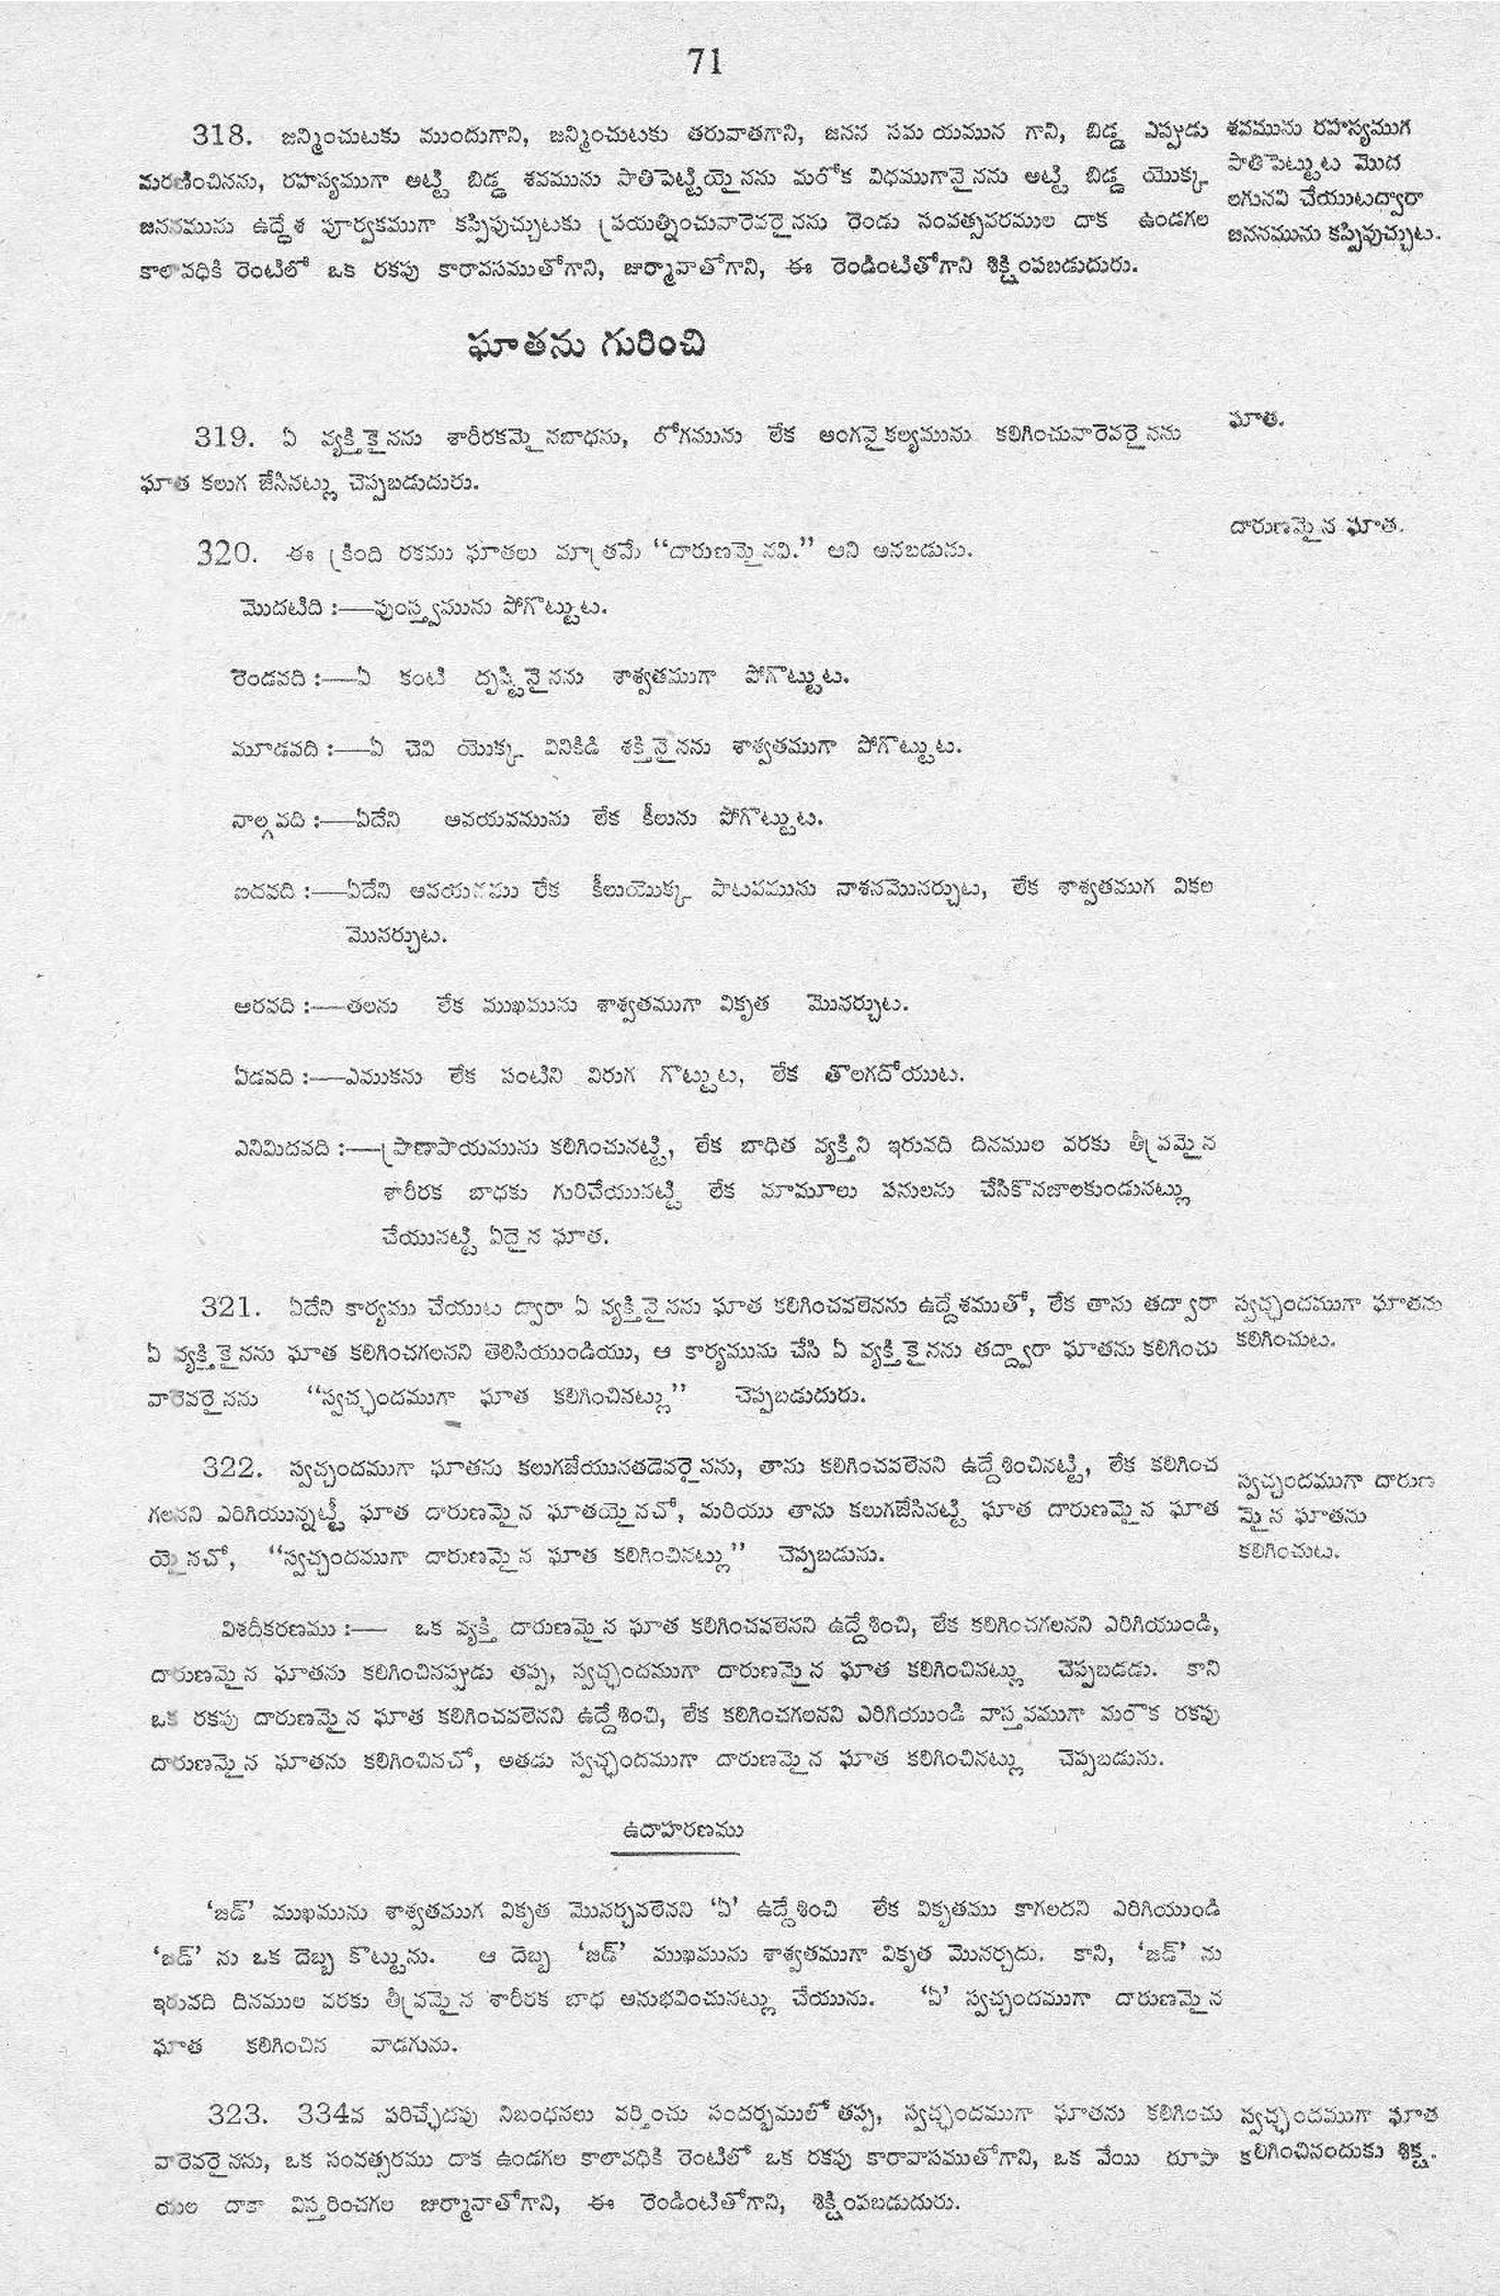శవమును రహస్యముగ పాతి పెట్టుట మొదలగునవి చేయుటద్వారా జననమును కప్పిపుచ్చుట.

318. జన్మించుటకు ముందుగాని, జన్మించుటకు తరువాతగాని, జనన సమ యమున గాని, బిడ్డ ఎప్పుడు మరణించినను, రహస్యముగా అట్టి బిడ్డ శవమును పాతి పెట్టి యైనను మరోక విధముగా నై నను అట్టి బిడ్డ యొక్క జననమును ఉద్దేశ పూర్వకముగా కప్పిపుచ్చుటకు ప్రయత్నించువారెవరైనను రెండు సంవత్సవరముల దాక ఉండగల కాల వధికి రెంటిలో ఒక రకపు కారావసముతోగాని, జుర్మానాతోగాని, ఈ రెండింటితో గాని శిక్షింపబడుదురు.

ఘాత.

319. ఏ వ్యక్తి కైనను శారీరకమైనబాధను, రోగమును లేక అంగవైకల్యమును కలిగించువారెవరైనను ఘాత కలుగ జేసినట్లు చెప్పబడుదురు.

దారుణమైన ఘాత.

320. ఈ క్రింది రకము ఘాతలు మాత్రమే “దారుణమైనవి.” అని అనబడును.

మొదటిది :– పుంస్త్వమును పోగొట్టుట.

రెండవది :-ఏ కంటి దృష్టినై నను శాశ్వతముగా పోగొట్టుట,

మూడవది : చెవి యొక్క వినికిడి శక్తి నై నను శాశ్వతముగా పోగొట్టుట.

నాల్గవది; ఏదేని అవయవమును లేక కీలును పోగొట్టుట.

ఐదవది :- ఏదేని అవయ ము లేక కీలు యొక్క పాటవమును నాశనమొనర్చుట, లేక శాశ్వతముగ వికల మొనర్చుట.

ఆరవది ---- తలను లేక ముఖమును శాశ్వతముగా వికృత మొనర్చుట.

ఏడవది :- ఎముకను లేక పంటిని విరుగ గొట్టుట, లేక తొలగదోయుట.

ఎనిమిదవది : ప్రాణాపాయమును కలిగించునట్టి, లేక బాధిత వ్యక్తిని ఇరువది దినముల వరకు తీవ్రమైన శారీరక బాధకు గురిచేయునట్టి లేక మామూలు పనులను చేసికొనజాలకుండునట్లు చేయునట్టి ఏదైన ఘాత.

స్వచ్ఛందముగా ఘాతను కలిగించుట,

321. ఏదేని కార్యము చేయుట ద్వారా ఏ వ్యక్తినై నను ఘాత కలిగించవలెనను ఉద్దేశముతో, లేక తాసు తద్వారా ఏ వ్యక్తి కై నను ఘాత కలిగించగలనని తెలిసియుండియు, ఆ కార్యమును చేసి ఏ వ్యక్తి కైనను తద్ద్వారా ఘాతను కలిగించు వారెవరైనను "స్వచ్ఛందముగా ఘాత కలిగించినట్లు" చెప్పబడుదురు.

స్వచ్ఛందముగా దారుణమైన ఘాతను కలిగించుట.

322. స్వచ్ఛందముగా ఘాతను కలుగజేయునతడెవరై నను, తాను కలిగించవలెనని ఉద్దేశించినట్టి, లేక కలిగించగలనని ఎరిగియున్నట్టే ఘాత దారుణమైన ఘాతయైనచో, మరియు తాను కలుగజేసినట్టి ఘాత దారుణమైన ఘాత యె నచో, “స్వచ్చందముగా దారుణమైన ఘాత కలిగించినట్లు" చెప్పబడును.

విశదీకరణము :- ఒక వ్యక్తి దారుణమైన ఘాత కలిగించవలెనని ఉద్దేశించి, లేక కలిగించగలనని ఎరిగియుండి, దారుణమైన ఘాతను కలిగించినప్పుడు తప్ప, స్వచ్ఛందముగా దారుణమైన ఘాత కలిగించినట్లు చెప్పబడడు. కాని ఒక రకపు దారుణమైన ఘాత కలిగించవలెనని ఉద్దేశించి, లేక కలిగించగలనని ఎరిగియుండి వాస్తవముగా మరొక రకపు దారుణమైన ఘాతను కలిగించినచో, అతడు స్వచ్ఛందముగా దారుణమైన ఘాత కరిగించినట్లు చెప్పబడును.

'జడ్' ముఖమును శాశ్వతముగ వికృత మొనర్చవలెనని 'ఏ' ఉద్దేశించి లేక వికృతము కాగలదని ఎరిగియుండి 'జడ్' ను ఒక దెబ్బ కొట్టును. ఆ దెబ్బ 'జడ్' ముఖమును శాశ్వతముగా వికృత మొనర్చదు. కాని, 'జడ్' ను ఇరువది దినముల వరకు తీవ్రమైన శారీరక బాధ అనుభవించునట్లు చేయును. 'ఏ' స్వచ్ఛందముగా దారుణమైన ఘాత కలిగించిన వాడగును.

స్వచ్ఛందముగా ఘాత కలిగించినందుకు శిక్ష.

323. 334వ పరిచ్ఛేదపు నిబంధనలు వర్తించు సందర్భములో తప్ప, స్వచ్ఛందముగా ఘాతను కలిగించు వారెవరైనను, ఒక సంవత్సరము దాక ఉండగల కాలావధికి రెంటిలో ఒక రకపు కారావాసముతో గాని, ఒక వేయి రూపాయల దాకా విస్తరించగల జుర్మానాతోగాని, ఈ రెండింటితోగాని, శిక్షింపబడుదురు.